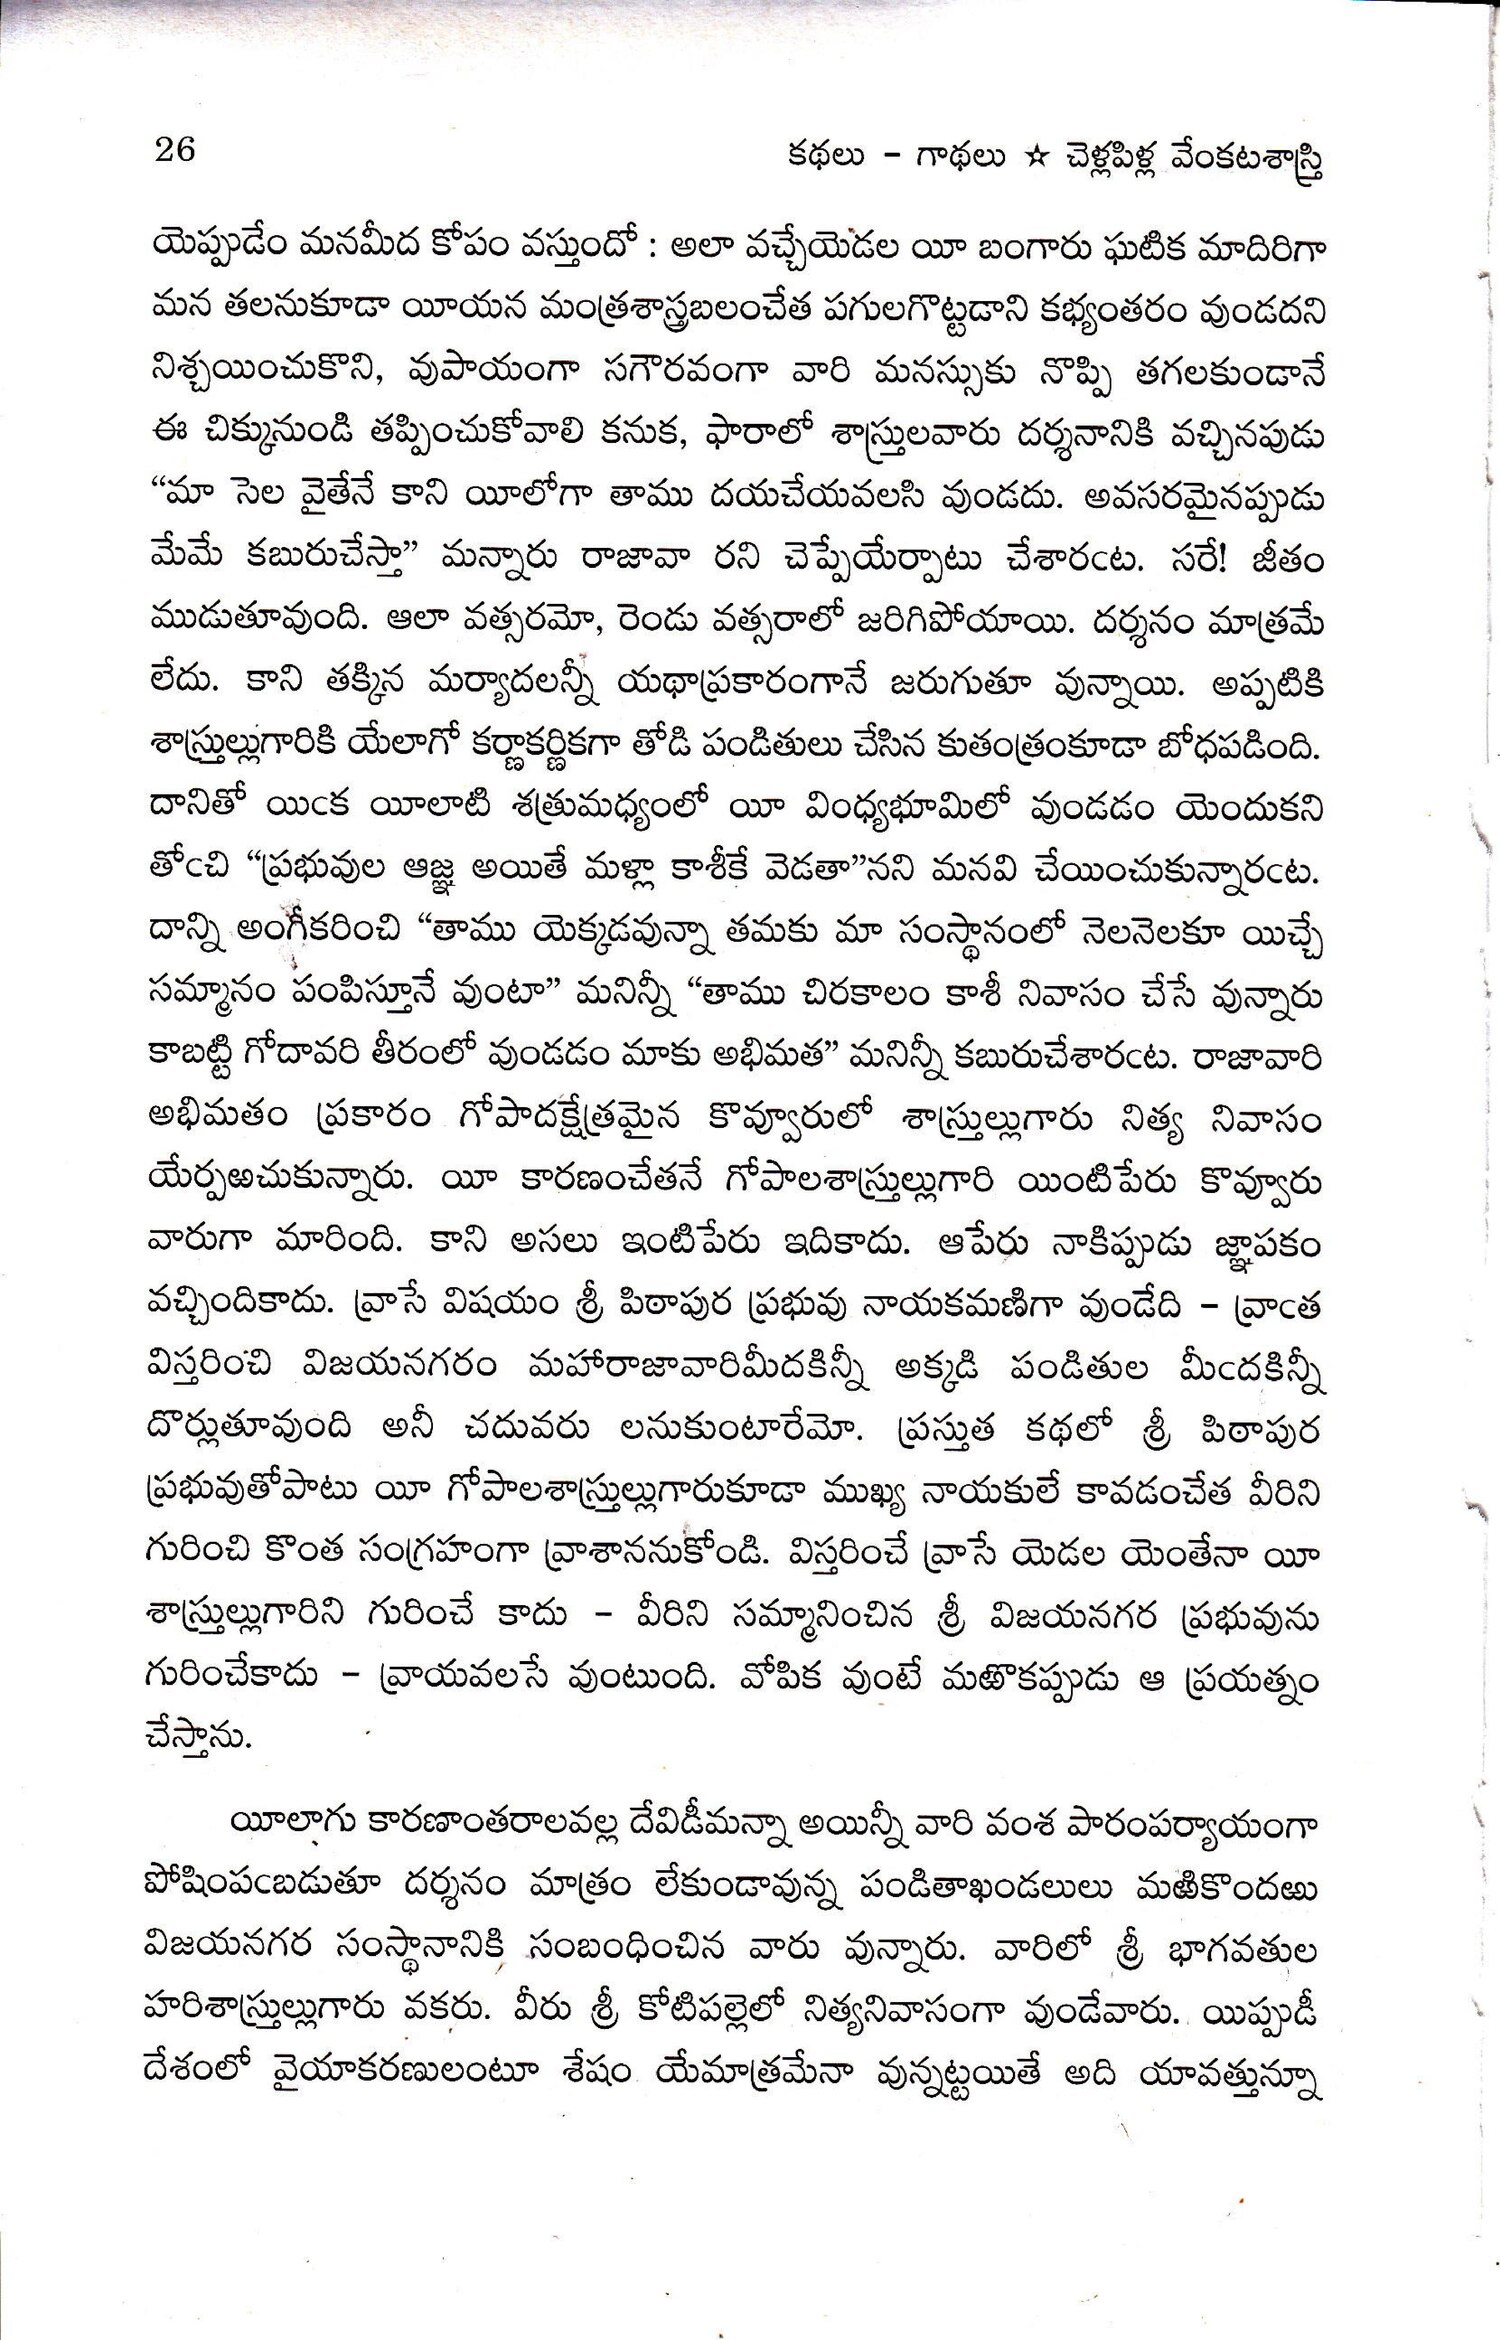యెప్పుడేం మనమీద కోపం వస్తుందో : అలా వచ్చేయెడల యినా బంగారు ఘటిక మాదిరిగా మన తలనుకూడా యీయన మంత్రశాస్త్రబలంచేత పగులగొట్టడాని కభ్యంతరం వుండదని నిశ్చయించుకొని, వుపాయంగా సగౌరవంగా వారి మనస్సుకు నొప్పి తగలకుండానే ఈ చిక్కునుండి తప్పించుకోవాలి కనుక, ఫారాలో శాస్తులవారు దర్శనానికి వచ్చినపుడు “మా సెల వైతేనే కాని యీలోగా తాము దయచేయవలసి వుండదు. అవసరమైనప్పడు మేమే కబురుచేస్తా మన్నారు రాజావా రని చెప్పేయేర్పాటు చేశారంట. సరే! జీతం ముడుతూవుంది. ఆలా వత్సరమో, రెండు వత్సరాలో జరిగిపోయాయి. దర్శనం మాత్రమే లేదు. కాని తక్కిన మర్యాదలన్నీ యథాప్రకారంగానే జరుగుతూ వున్నాయి. అప్పటికి శాస్రుల్లగారికి యేలాగో కర్ణాకర్ణికగా తోడి పండితులు చేసిన కుతంత్రంకూడా బోధపడింది. దానితో యింక యీలాటి శత్రుమధ్యంలో యీ వింధ్యభూమిలో వుండడం యెందుకని తోంచి "ప్రభువుల ఆజ్ఞ అయితే మళ్లా కాశీకే వెడతానని మనవి చేయించుకున్నారంట. దాన్ని అంగీకరించి “తాము యొక్కడవున్నా తమకు మా సంస్థానంలో నెలనెలకూ యిచ్చే సమ్మానం పంపిస్తూనే వుంటా” మనిన్నీ “తాము చిరకాలం కాశీ నివాసం చేసే వున్నారు కాబట్టి గోదావరి తీరంలో వుండడం మాకు అభిమత మనిన్నీ కబురుచేశారంట. రాజావారి అభిమతం ప్రకారం గోపాదక్షేత్రమైన కొవ్వూరులో శాస్తుల్లుగారు నిత్య నివాసం యేర్పఱచుకున్నారు. యీ కారణంచేతనే గోపాలశాస్రుల్లుగారి యింటిపేరు కొవ్వూరు వారుగా మారింది. కాని అసలు ఇంటిపేరు ఇదికాదు. ఆపేరు నాకిప్పుడు జ్ఞాపకం వచ్చిందికాదు. వ్రాసే విషయం శ్రీ పిఠాపుర ప్రభువు నాయకమణిగా వుండేది - వ్రాంత విస్తరించి విజయనగరం మహారాజావారిమీదకిన్నీ అక్కడి పండితుల మీందకిన్నీ దొర్లుతూవుంది అనీ చదువరు లనుకుంటారేమో. ప్రస్తుత కథలో శ్రీ పిఠాపుర ప్రభువుతోపాటు యీ గోపాలశాస్రుల్లుగారుకూడా ముఖ్య నాయకులే కావడంచేత వీరిని గురించి కొంత సంగ్రహంగా వ్రాశాననుకోండి. విస్తరించే వ్రాసే యెడల యెంతేనా యీ శాస్రుల్లుగారిని గురించే కాదు - వీరిని సమ్మానించిన శ్రీ విజయనగర ప్రభువును గురించేకాదు - వ్రాయవలసే వుంటుంది. వోపిక వుంటే మటొకప్పుడు ఆ ప్రయత్నం చేసాను.

యీలాగు కారణాంతరాలవల్ల దేవిడీమన్నా అయిన్నీ వారి వంశపారంపర్యాయంగా పోషింపCబడుతూ దర్శనం మాత్రం లేకుండావున్న పండితాఖండలులు మఱికొందఱు విజయనగర సంస్థానానికి సంబంధించిన వారు వున్నారు. వారిలో శ్రీ భాగవతుల హరిశాస్రుల్లుగారు వకరు. వీరు శ్రీ కోటిపల్లెలో నిత్యనివాసంగా వుండేవారు. యిప్పడీ దేశంలో వైయాకరణులంటూ శేషం యేమాత్రమేనా వున్నట్టయితే అది యావత్తున్నూ